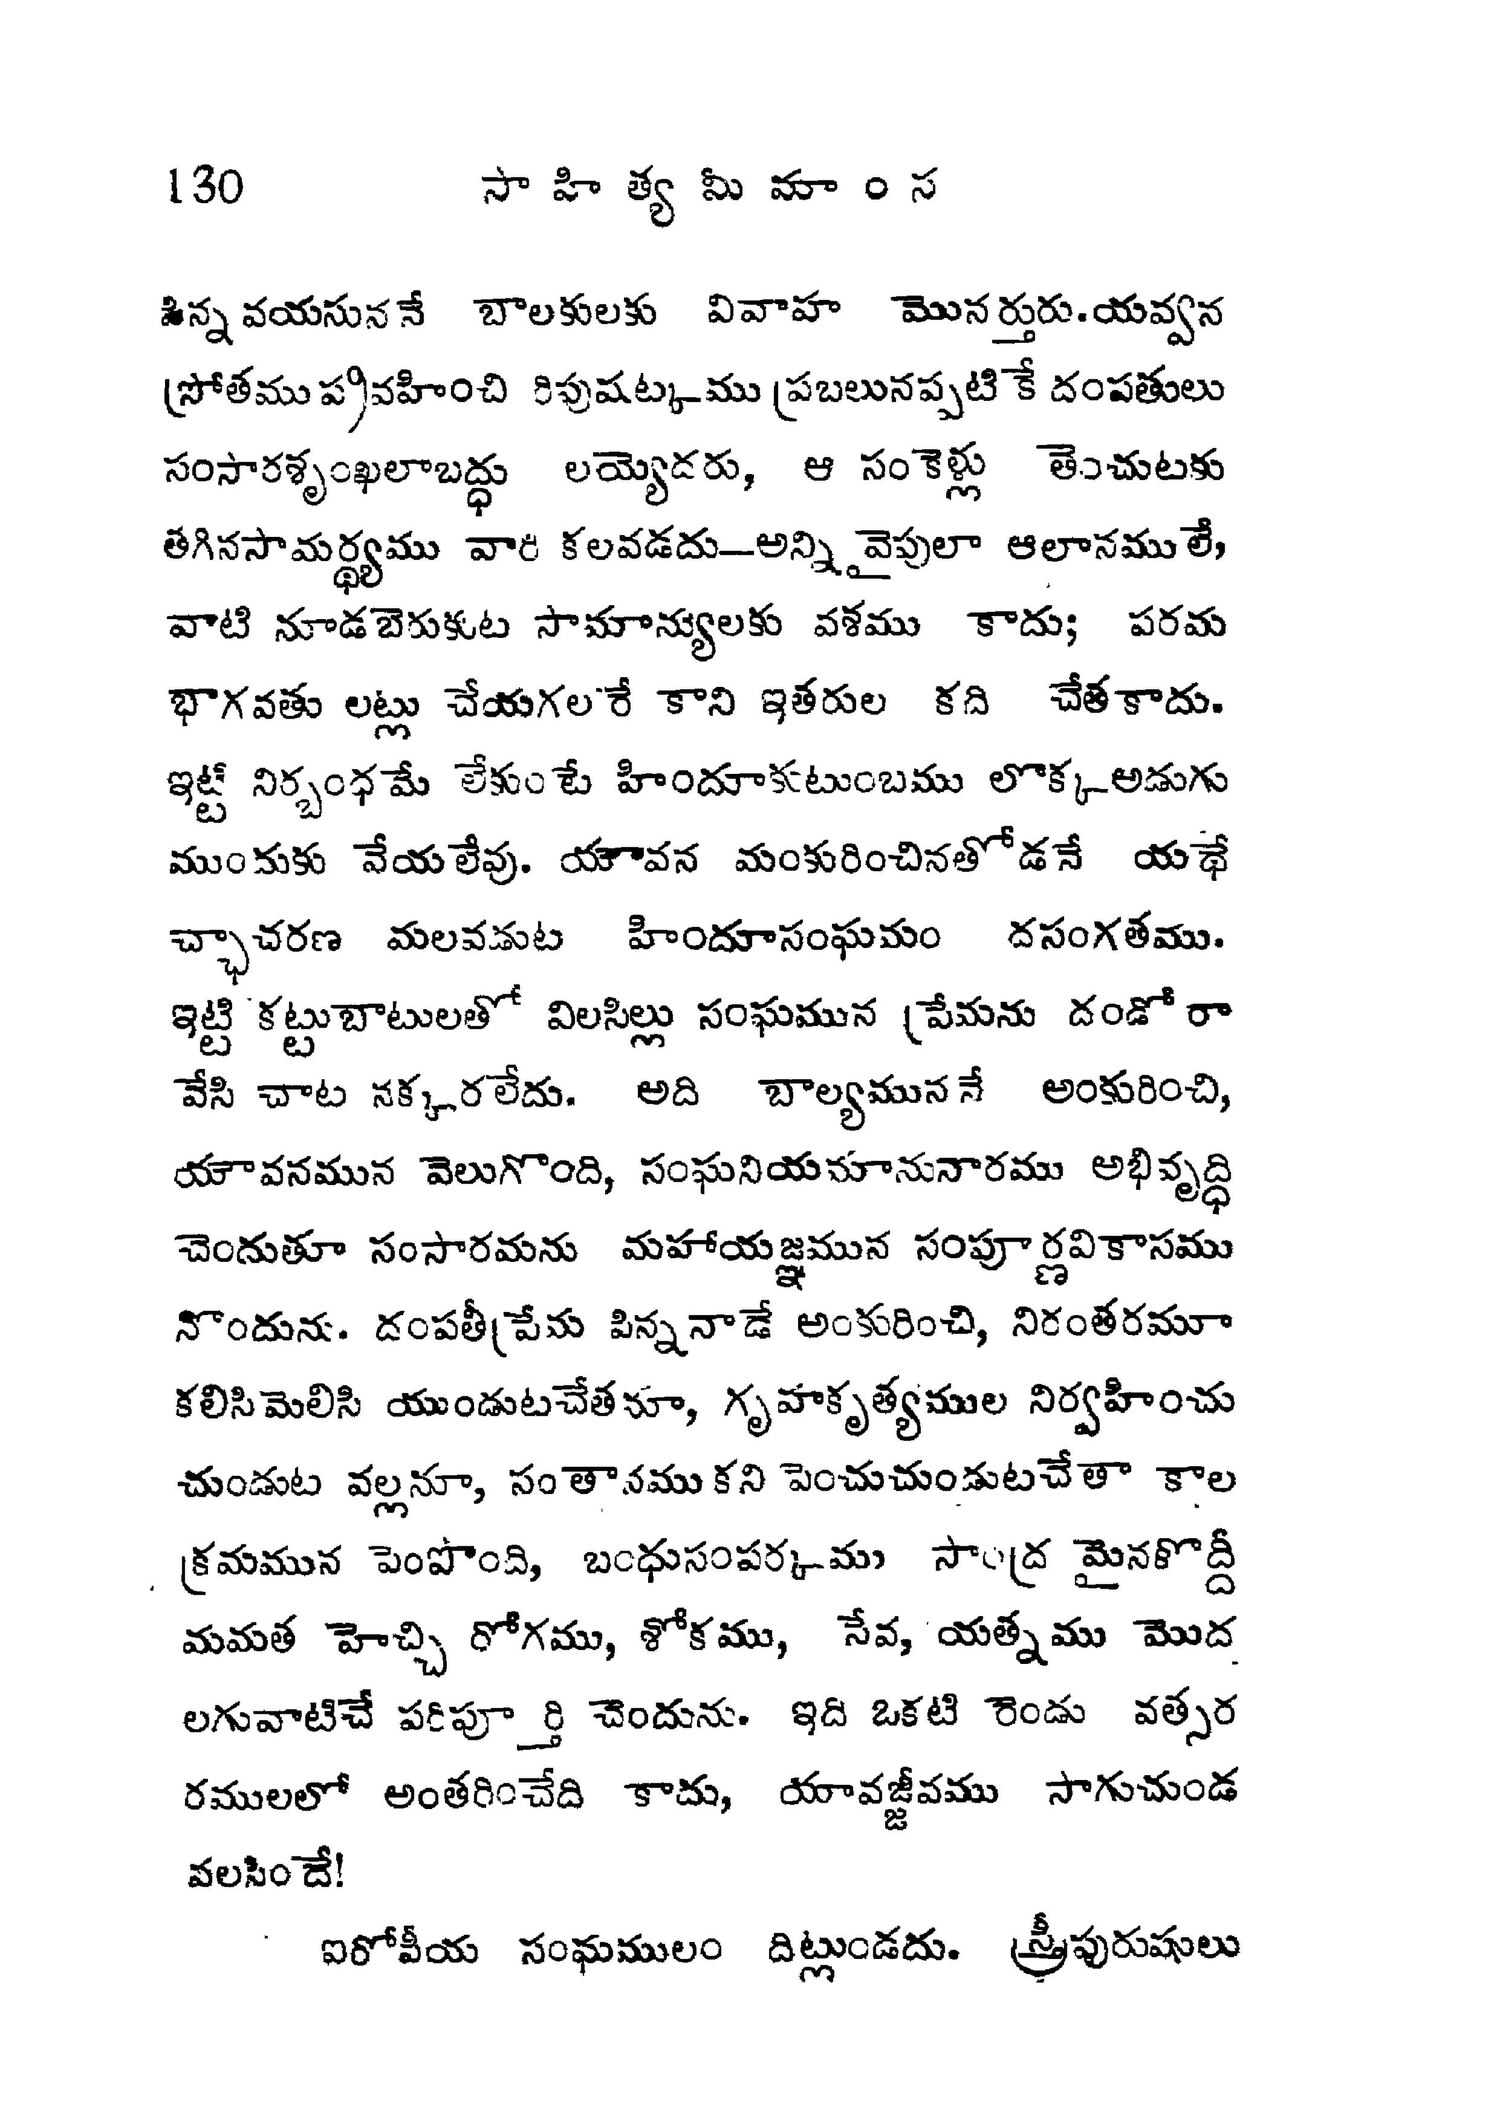పిన్న వయసుననే బాలకులకు వివాహ మొనర్తురు. యవ్వన స్రోతముప్రవహించి రిపుషట్కముప్రబలునప్పటికే దంపతులు సంసారశృంఖాలాబద్ధు లయ్యెదరు, ఆ సంకెళ్లు తెంచుటకు తగినసామర్థ్యము వారి కలవడదు - అన్నివైపులా ఆలానములే, వాటి నూడబెరుకుట సామాన్యులకు వశము కాదు; పరమ భాగవతు లట్లు చేయగలరే కాని ఇతరుల కది చేతకాదు. ఇట్టి నిర్బంధమే లేకుంటే హిందూకుటుంబము లొక్క అడుగు ముందుకు వేయలేవు. యౌవన మంకురించినతోడనే యథేచ్ఛాచరణ మలవడుట హిందూసంఘమం దసంగతము. ఇట్టి కట్టుబాటులతో విలసిల్లు సంఘమున ప్రేమను దండోరా వేసి చాట నక్కరలేదు. అది బాల్యముననే అంకురించి, యౌవనమున వెలుగొంది, సంఘనియమానుసారము అభివృద్ధి చెందుతూ సంసారమను మహాయజ్ఞమున సంపూర్ణవికాసము నొందును. దంపతీప్రేమ పిన్ననాడే అంకురించి, నిరంతరమూ కలిసిమెలసి యుండుటచేతనూ, గృహకృత్యముల నిర్వహించుచుండుట వల్లనూ, సంతానము కని పెంచుచుండుటచేతా కాలక్రమమున పెంపొంది, బంధుసంపర్కము సాంద్ర మైనకొద్దీ మమత హెచ్చి రోగము, శోకము, సేవ, యత్నము మొదలగువాటిచే పరిపూర్తి చెందును. ఇది ఒకటి రెండు వత్సరములలో అంతరించేది కాదు, యావజ్జీవము సాగుచుండ వలసిందే!

ఐరోపీయ సంఘములం దిట్లుండదు. స్త్రీపురుషులు